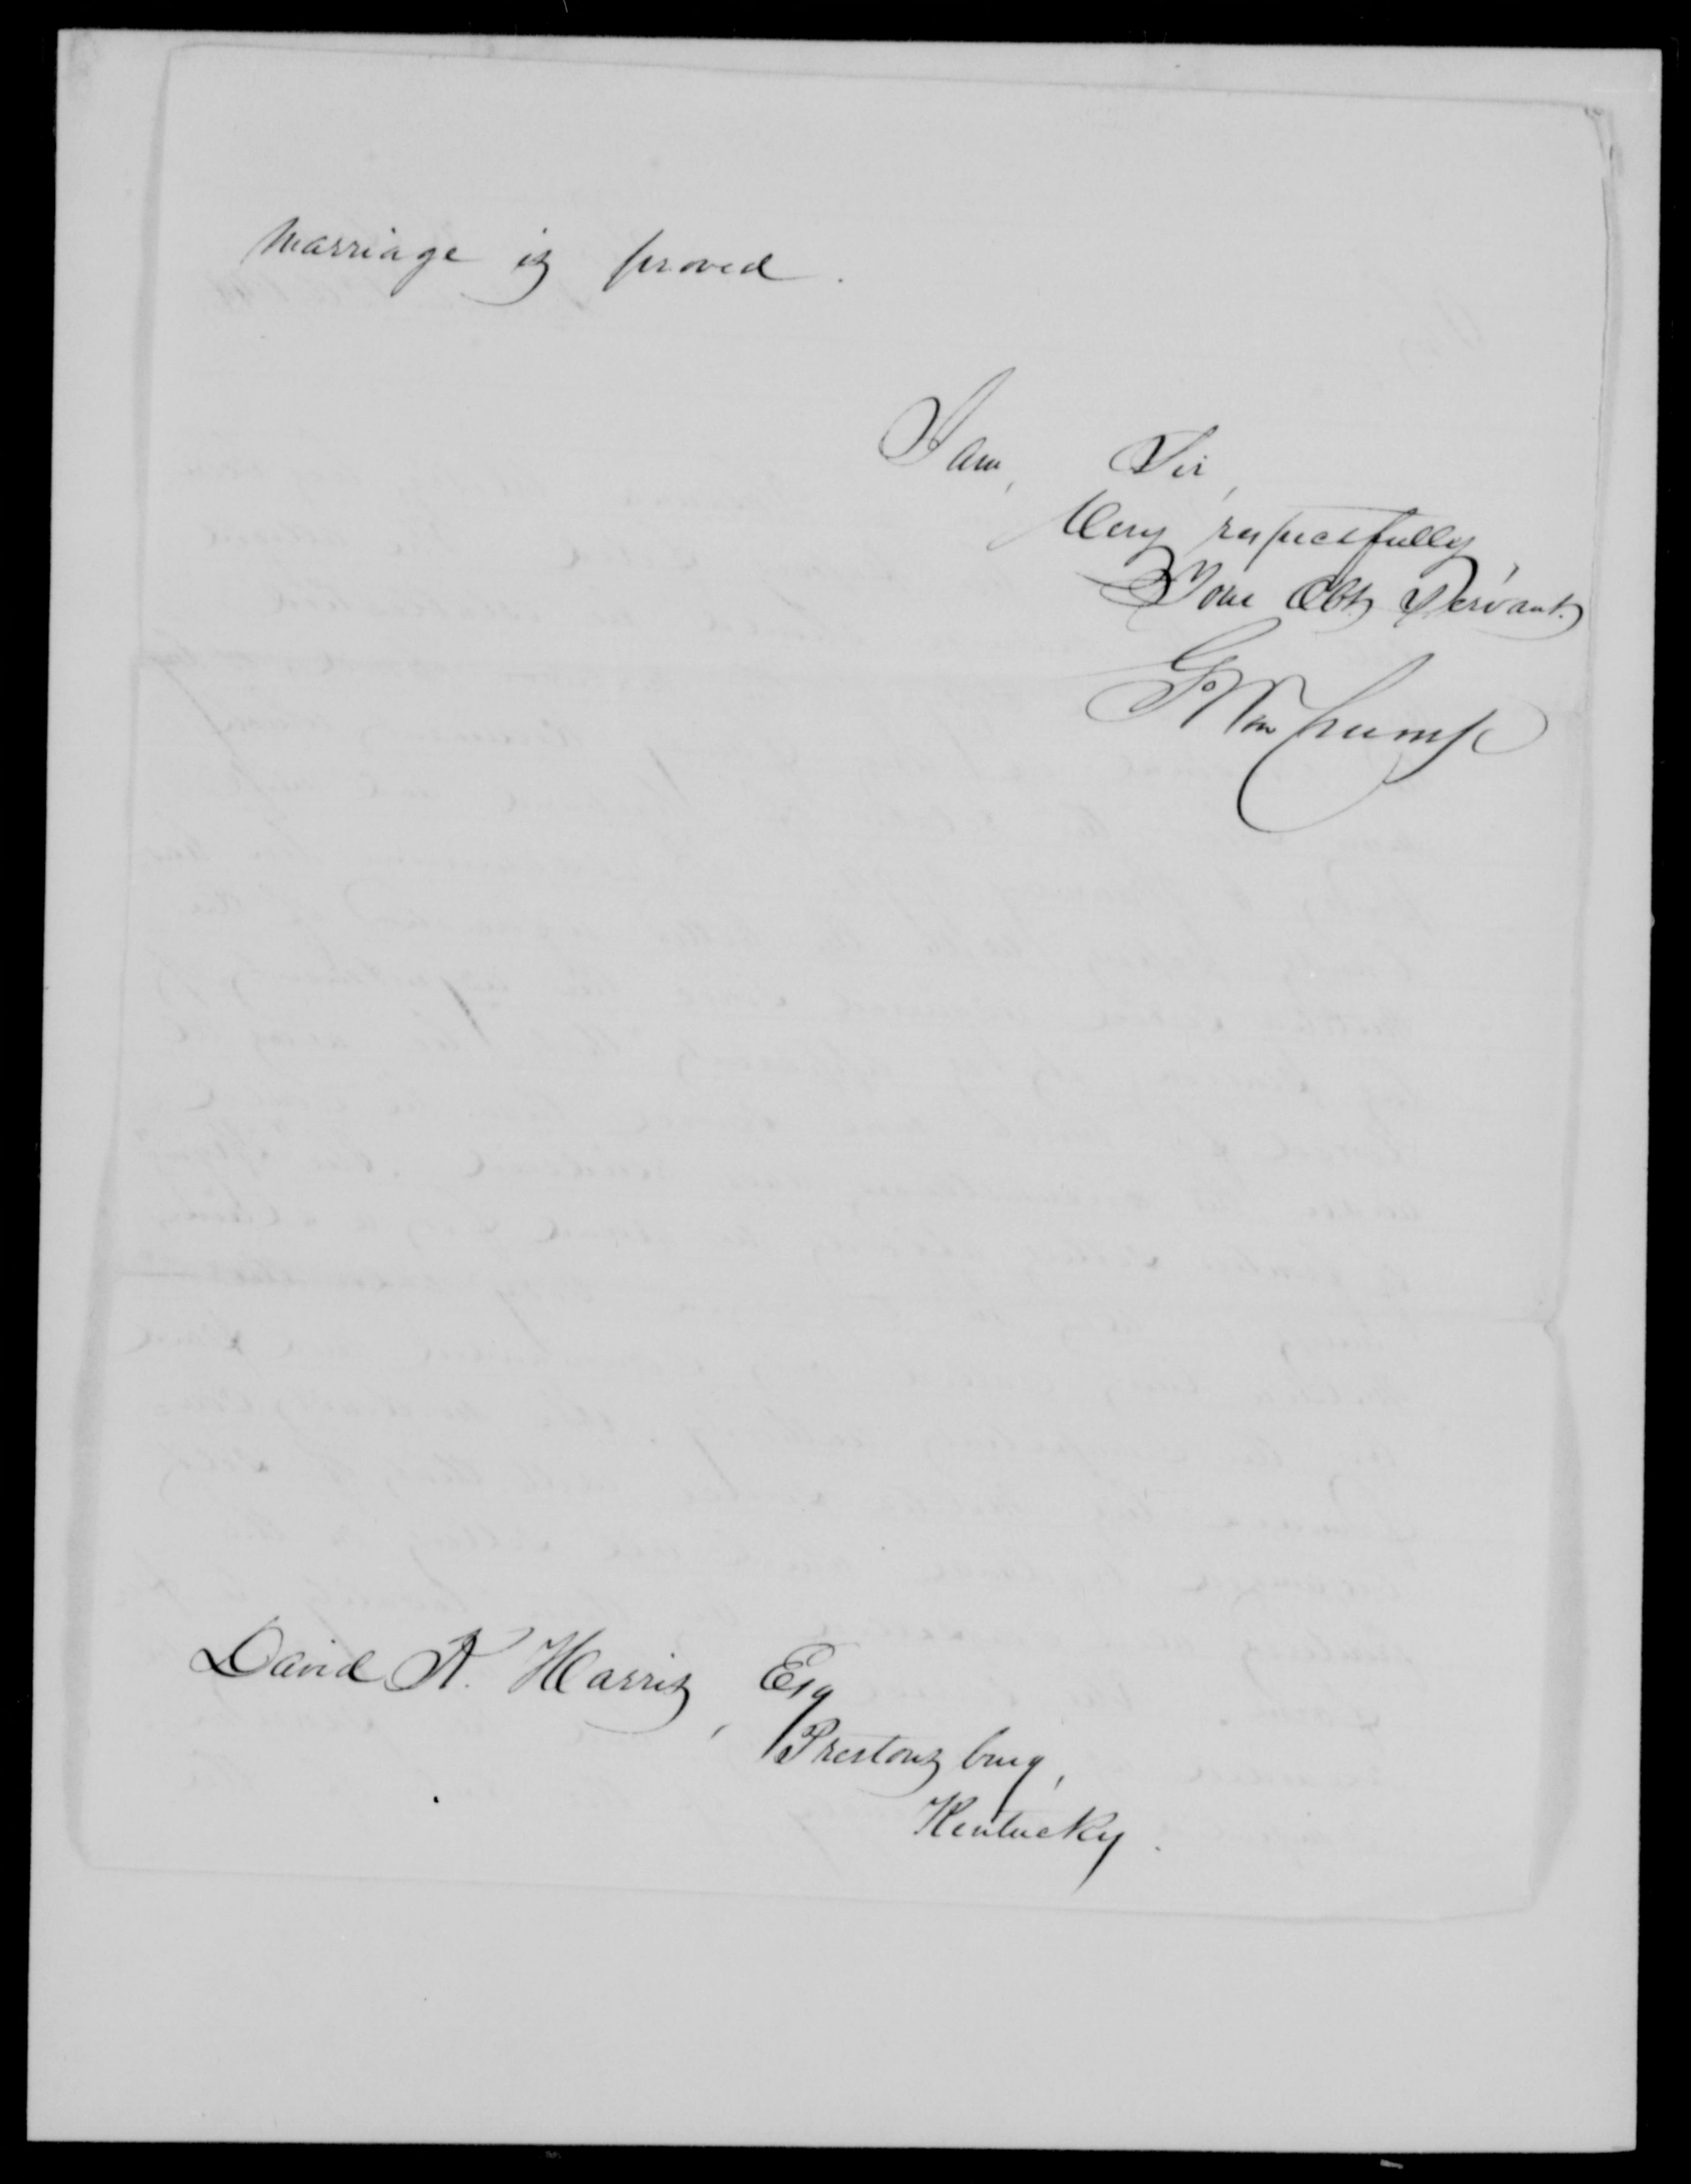marriage is proved. I am Sir, very respectfully Your Obt Servant. G . Wm. Crump ( signed )   David K. Harris ,Esq Prestonsburg Kentucky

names: David K Harris, Go Wm Crump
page: 48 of 100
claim: widow's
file: W. 6437, Richard Wells, Ga Va.